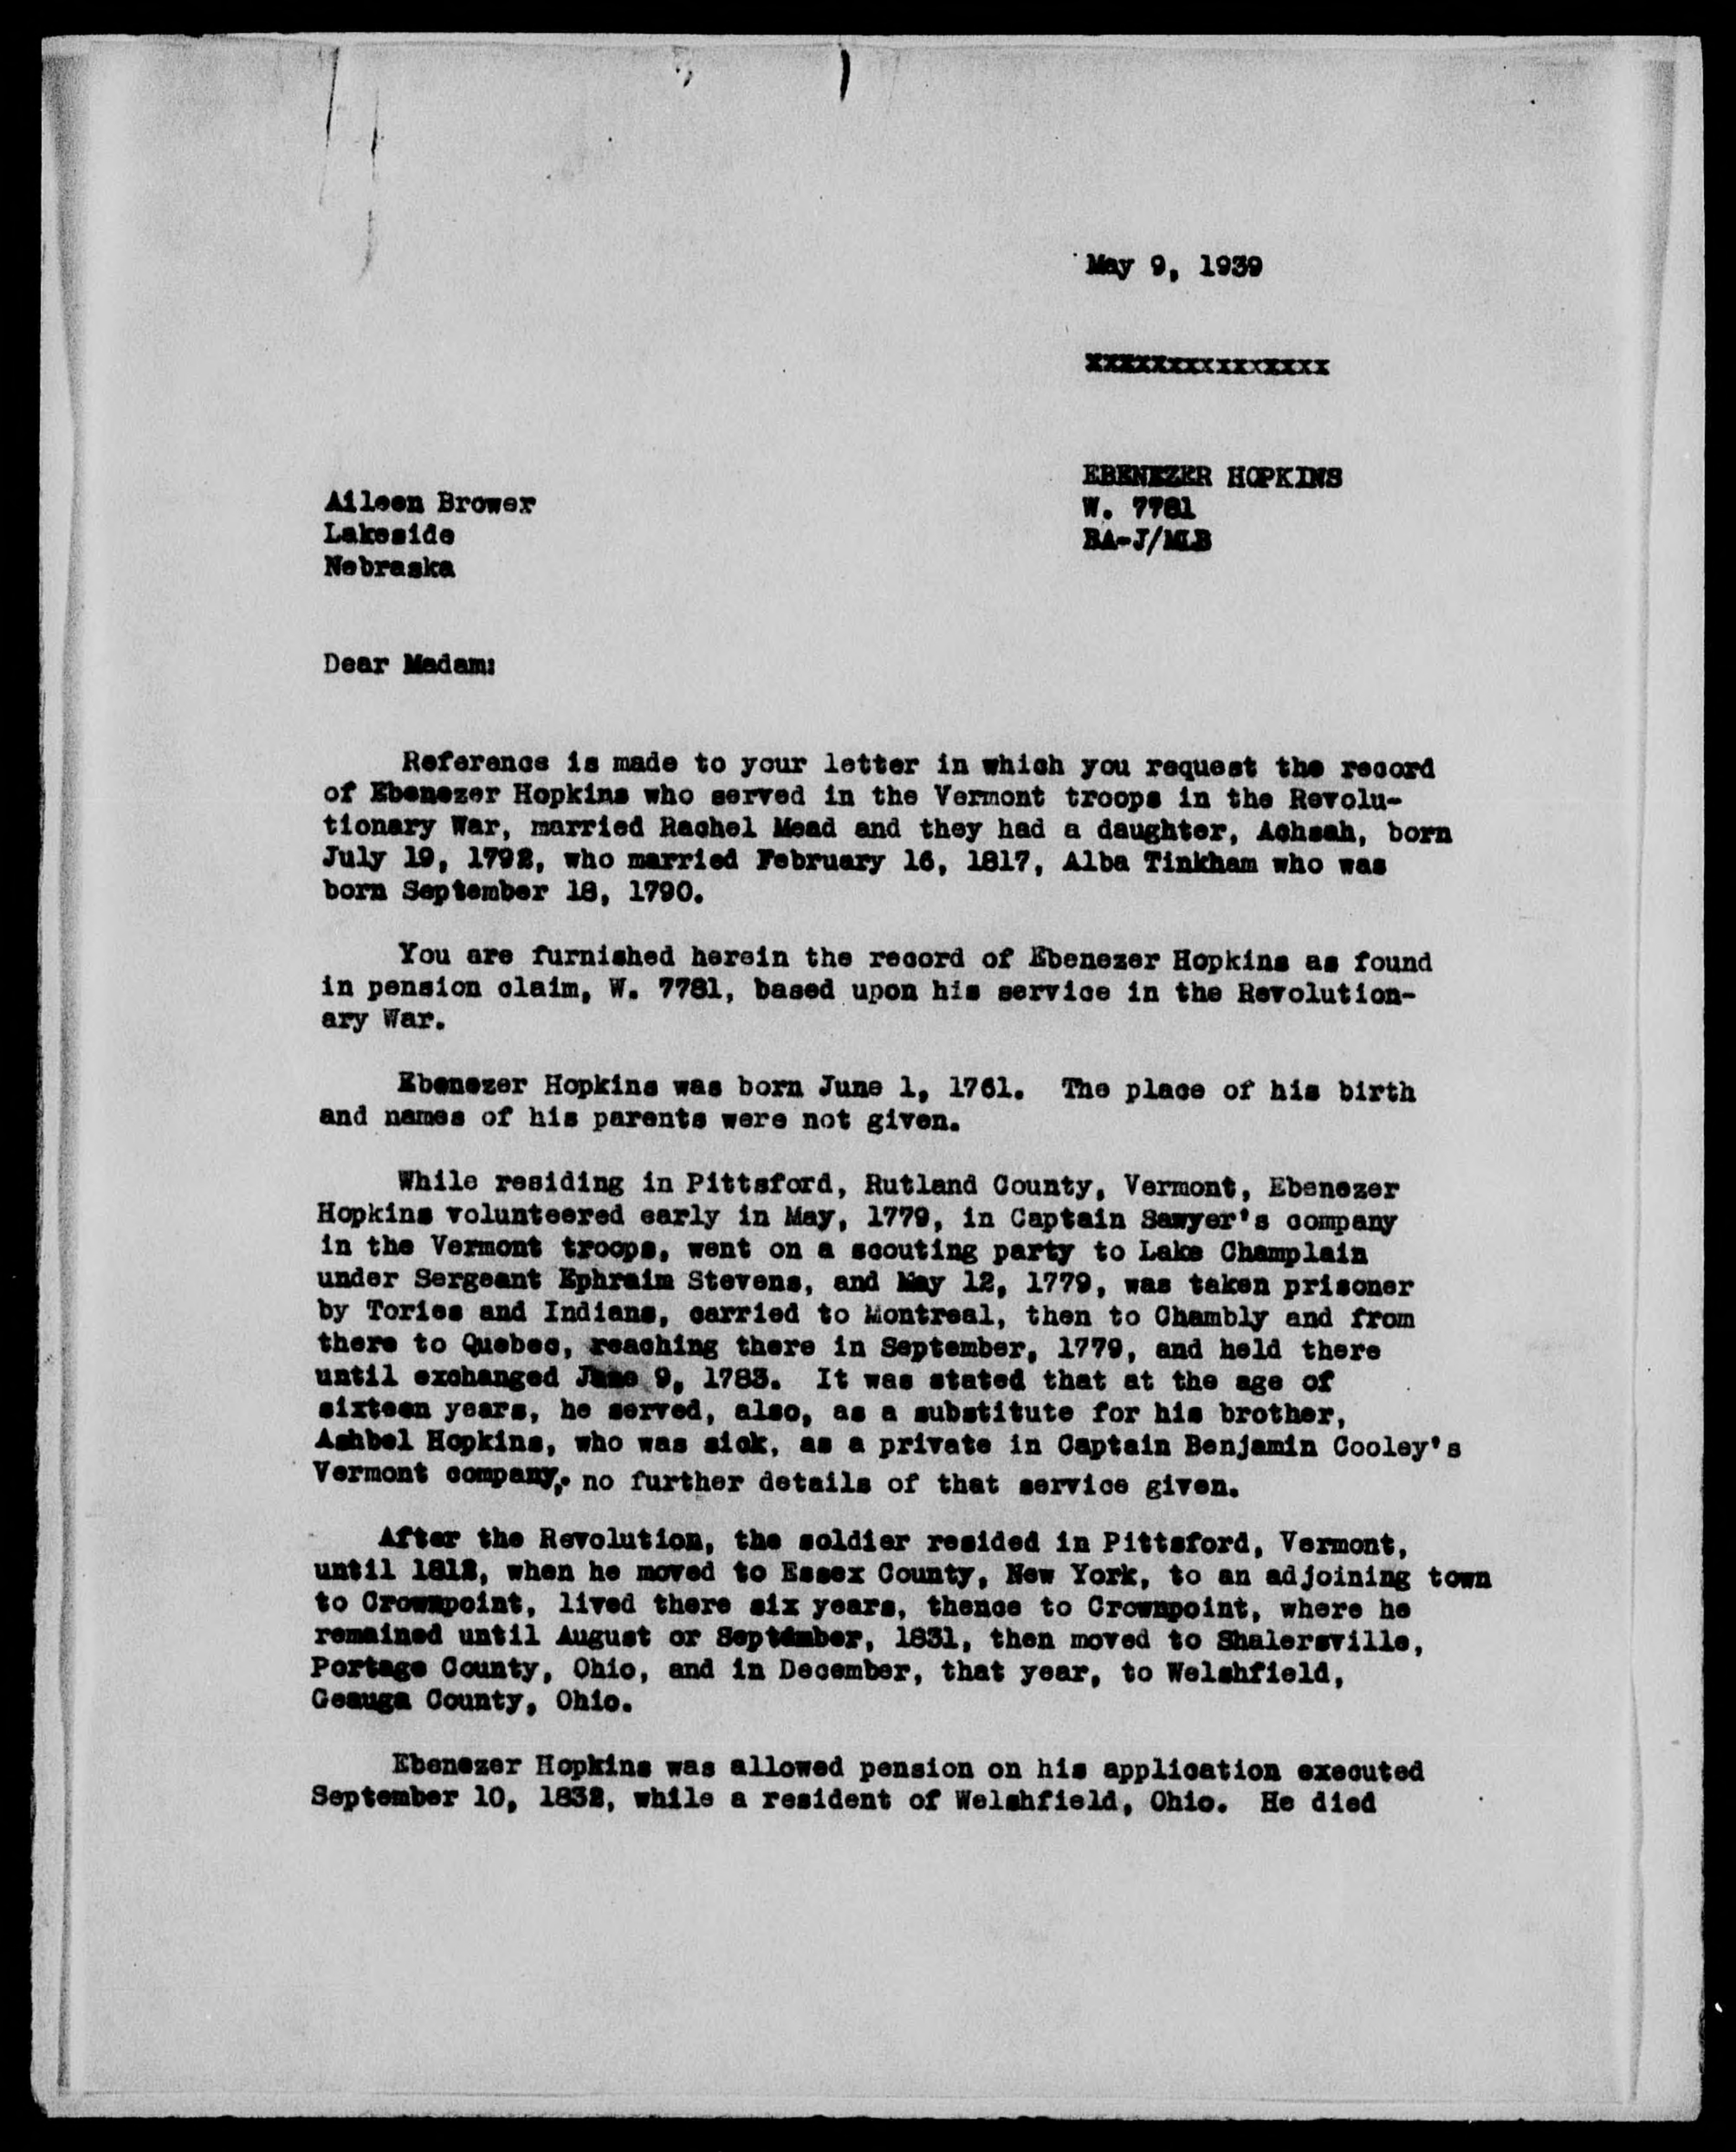May 9, 1939
xxxxxxxxxxxxxxxxxxxxxxxxxxxxxxxxxxxx

EBENEZER HOPKINS
W. 7781
BA-J/MLS

Aileen Brower
Lakeside
Nebraska

Dear Madam:

Reference is made to your letter in which you request the record of Ebenezer Hopkins who served in the Vermont troops in the Revolutionary War, married Rachel Mead and they had a daughter, Achiah, born July 19, 1792, who married February 16, 1817, Alba Tinkham who was born September 18, 1790.

You are furnished herein the record of Ebenezer Hopkins as found in pension claim, W. 7781, based upon his service in the Revolutionary War.

Ebenezer Hopkins was born June 1, 1761. The place of his birth
and names of his parents were not given.

While residing in Pittsford, Rutland County, Vermont, Ebenezer Hopkins volunteered early in May, 1779, in Captain Sawyer's company in the Vermont troops, went on a scouting party to Lake Champlain under Sergeant Ephraim Stevens, and May 12, 1779, was taken prisoner by Tories and Indians, carried to Montreal, then to Chambly and from there to be, reaching there in September, 1779, and held there until exchanged June 9, 1783. It was stated that at the age of sixteen years, he served, also, as a substitute for his brother, Ashbel Hopkins, who was sick, as a private in Captain Benjamin Cooley's Vermont company, no further details of that service given.

After the Revolution, the soldier resided in Pittsford, Vermont, until 1812, when he moved to Essex County, New York, to an adjoining town to Crownpoint, lived there six years, thence to Crownpoint, where he remained until August or September, 1831, then moved to Shalersville, Portage County, Ohio, and in December, that year, to Welshfield, Geauga County, Ohio.

Ebenezer Hopkins was allowed pension on his application executed
September 10, 1832, while a resident of Welshfield, Ohio. He died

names: Ephraim Stevens, Alba Tinkham, Ashbel Hopkins, Rachel Mead, Aileen Brower, Ebenezer Hopkins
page: 78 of 144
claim: rejected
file: R. 5208, Dennis Hopkins, N.C.